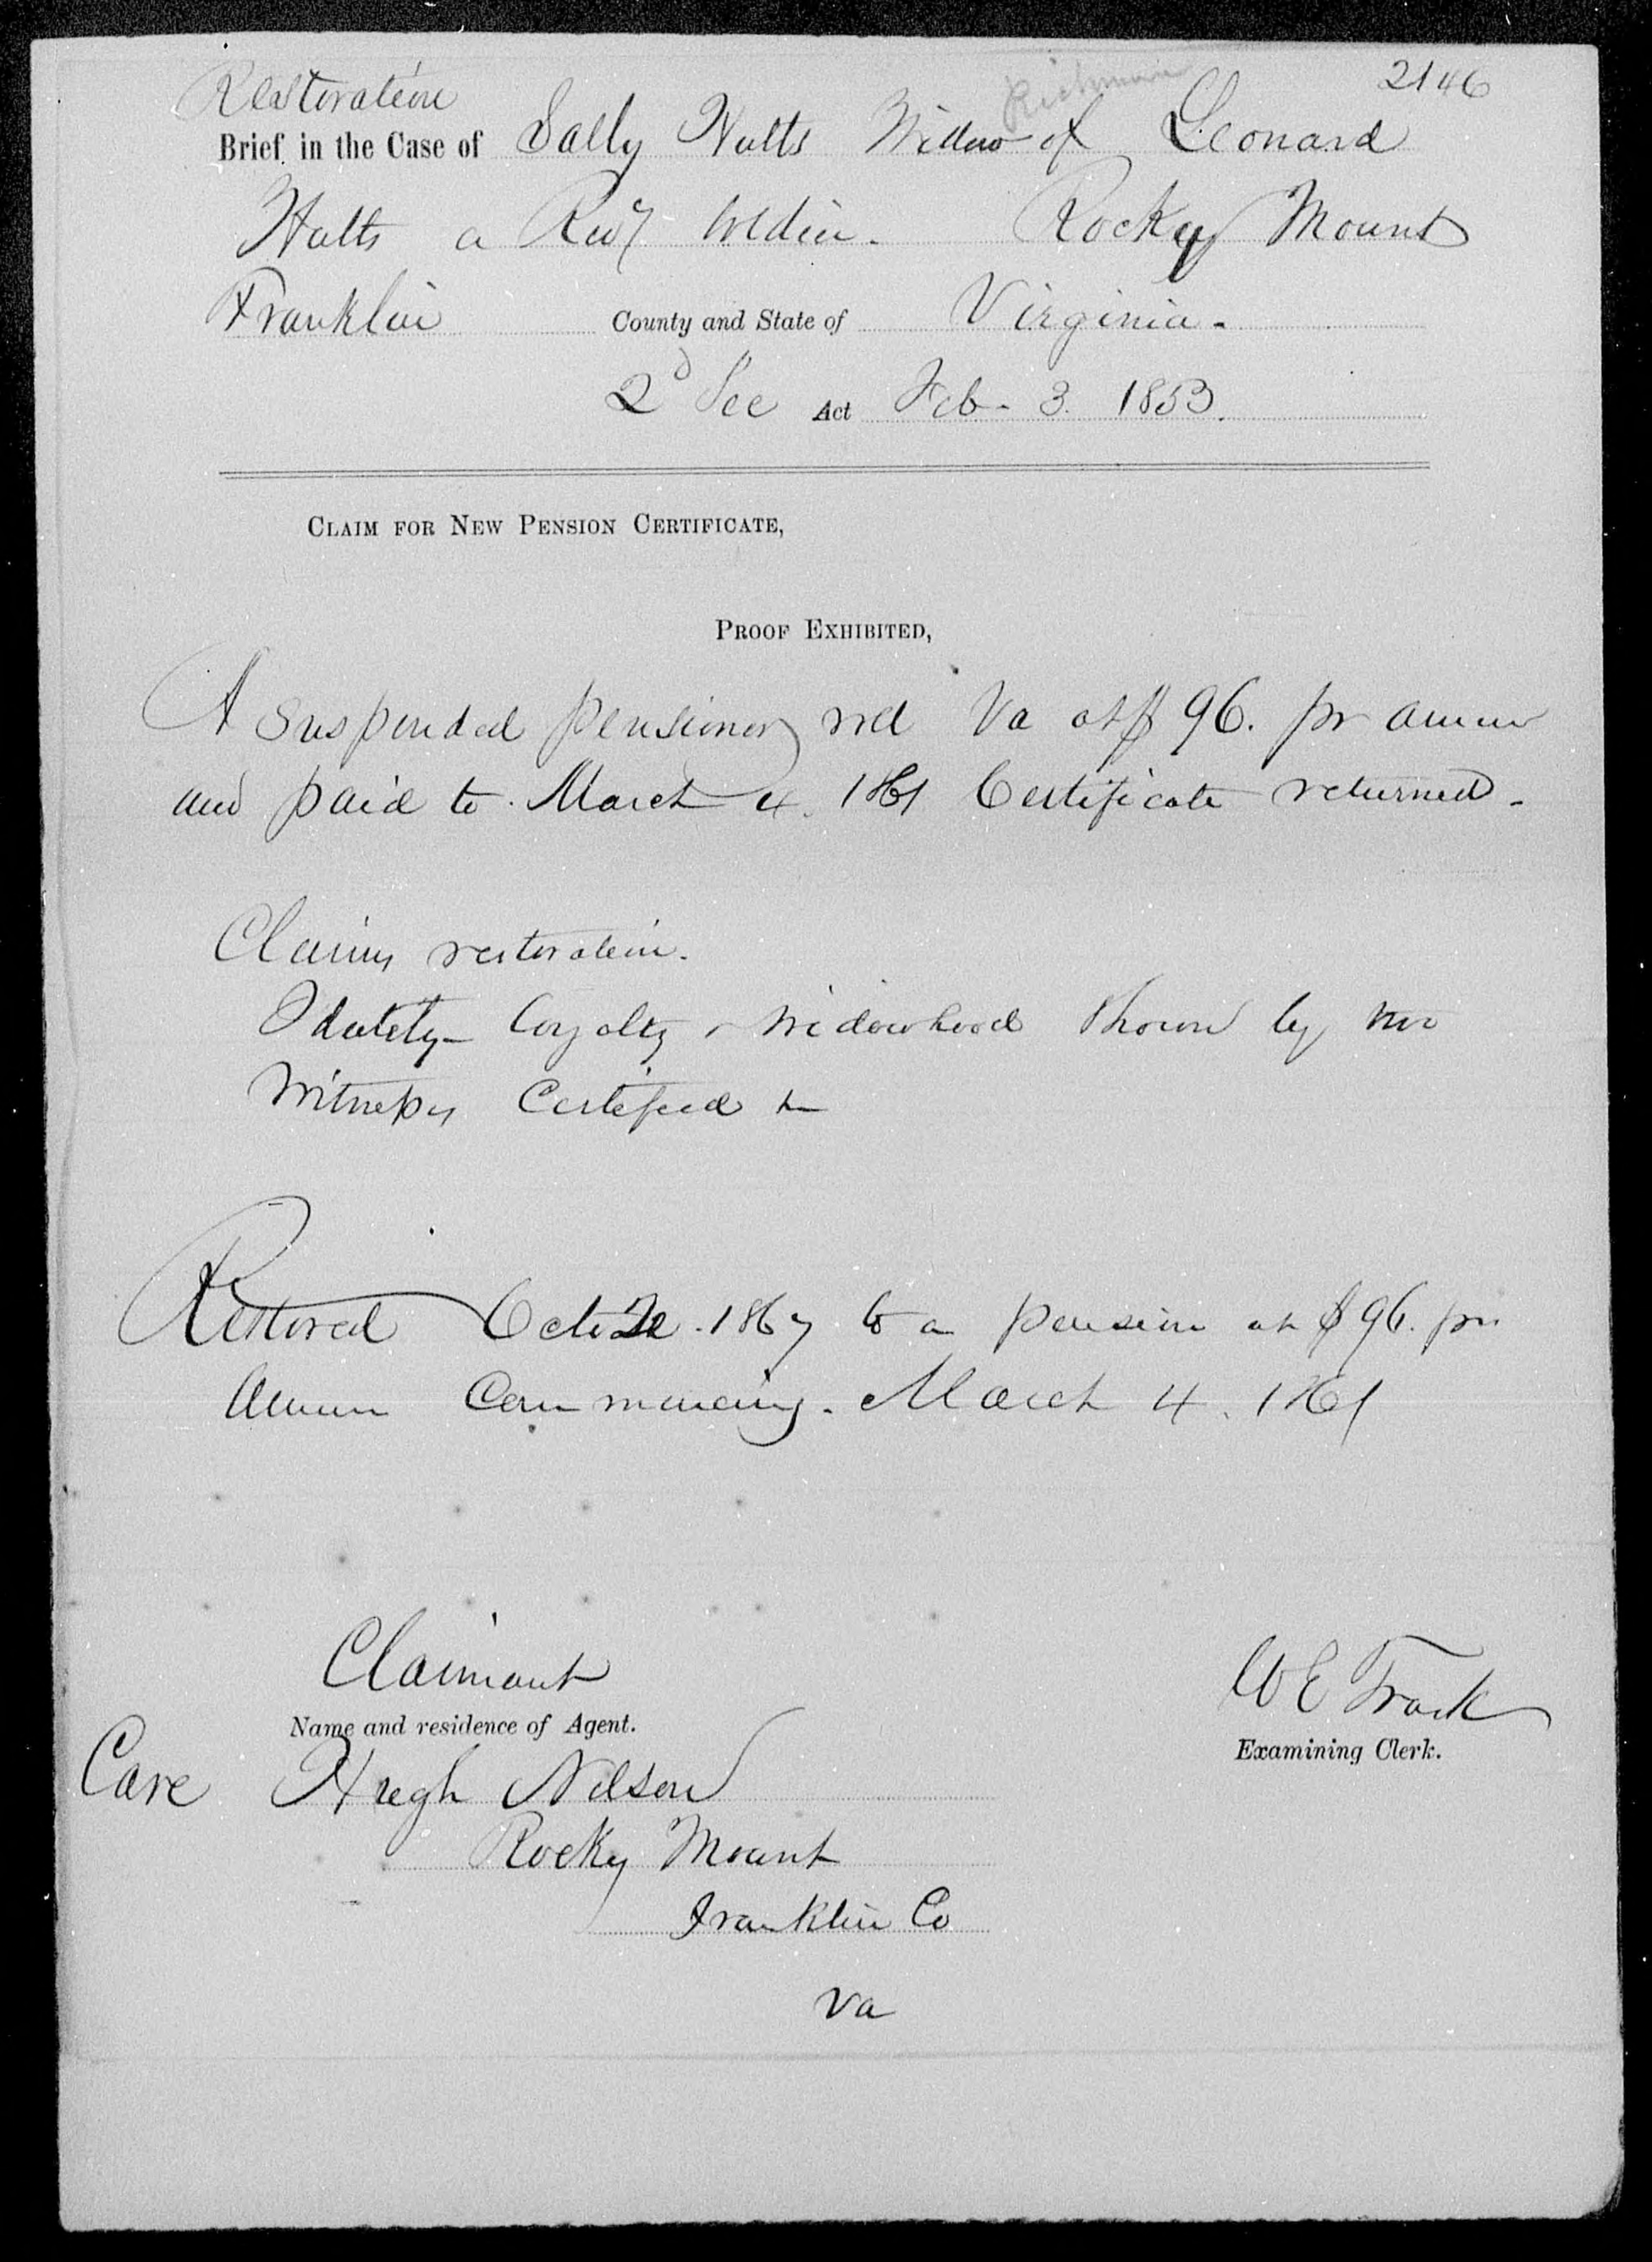[typed form, with handwritten responses]

Restoration              2146
Brief in the Case of Sally Hutts Widow of Leonard 
Hutts a Rev. Soldier. Rocky Mount 
Franklin County and State of Virginia
2d Sec Act Feb. 3 1853

CLAIM FOR NEW PENSION CERTIFICATE

PROOF EXHIBITED,

A Suspended pensioner wd Va at $96 per annum and paid to March 4 1861 Certificate returned.

Claims restoration
Identity Loyalty widowhood I have by her witness certified

Restored Oct 20 1867 to a pension at $96 pr annum commencing March 4 1861

Claimant
Name and residence of Agent
Hugh Nelson
Rocky Mount Franklin Co Va
Examining Clerk,
WE Frank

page: 27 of 33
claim: widow's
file: W. 550, for Leonard Hutts, Virginia